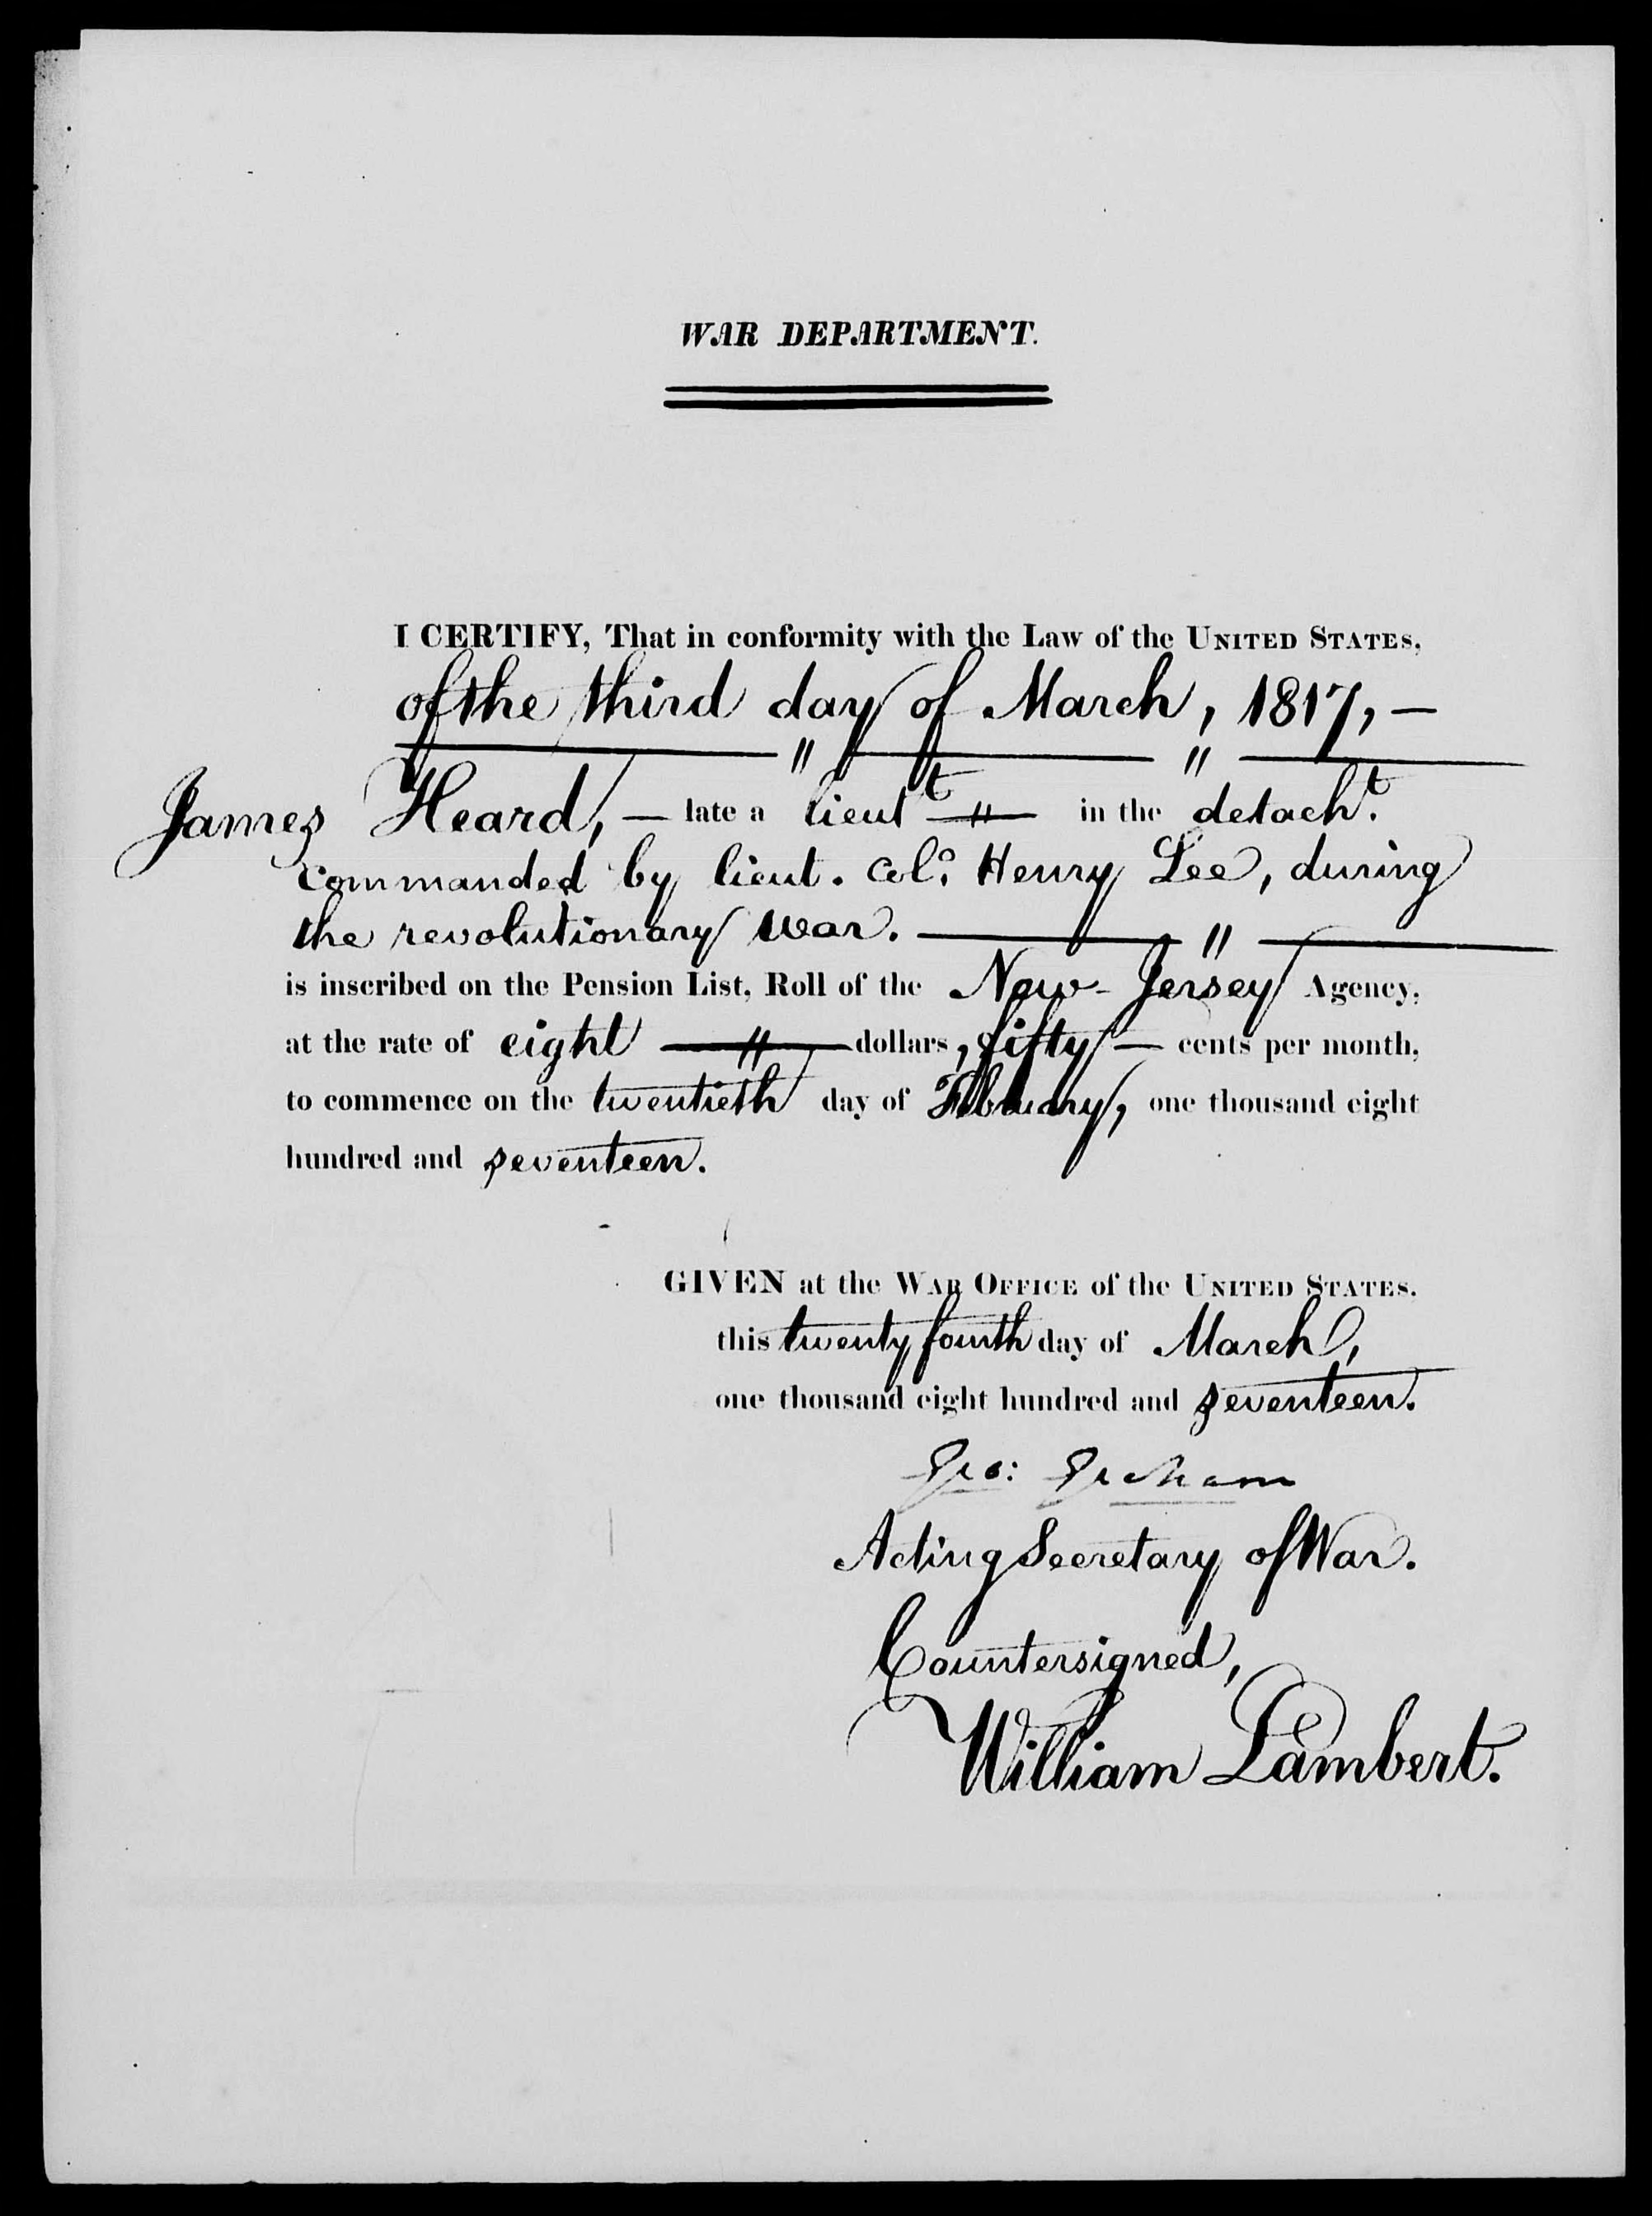War Department

I certify, that in conformity with the Law of the United States, of the third day of March 1817, late a Lieutenant in the detachment commanded by Lt. Col. Henry Lee, during the Revolutionary War is inscribed on the pension list, Roll of the New Jersey agency, at the rate of eight dollars and fifty cents per month, to commence on the twentieth day of February one thousand eight hundred and seventeen. 

Given at the War Office of the United States this twenty fourth day of March, one thousand eight hundred and seventeen.

George Graham

Acting Secretary of War
Countersigned,
William Lambert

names: James Heard, William Lambert, Henry Lee, Geo Greham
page: 38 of 62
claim: survivor's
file: S. 540, James Heard, Continental - New Jersey Residence In 1818